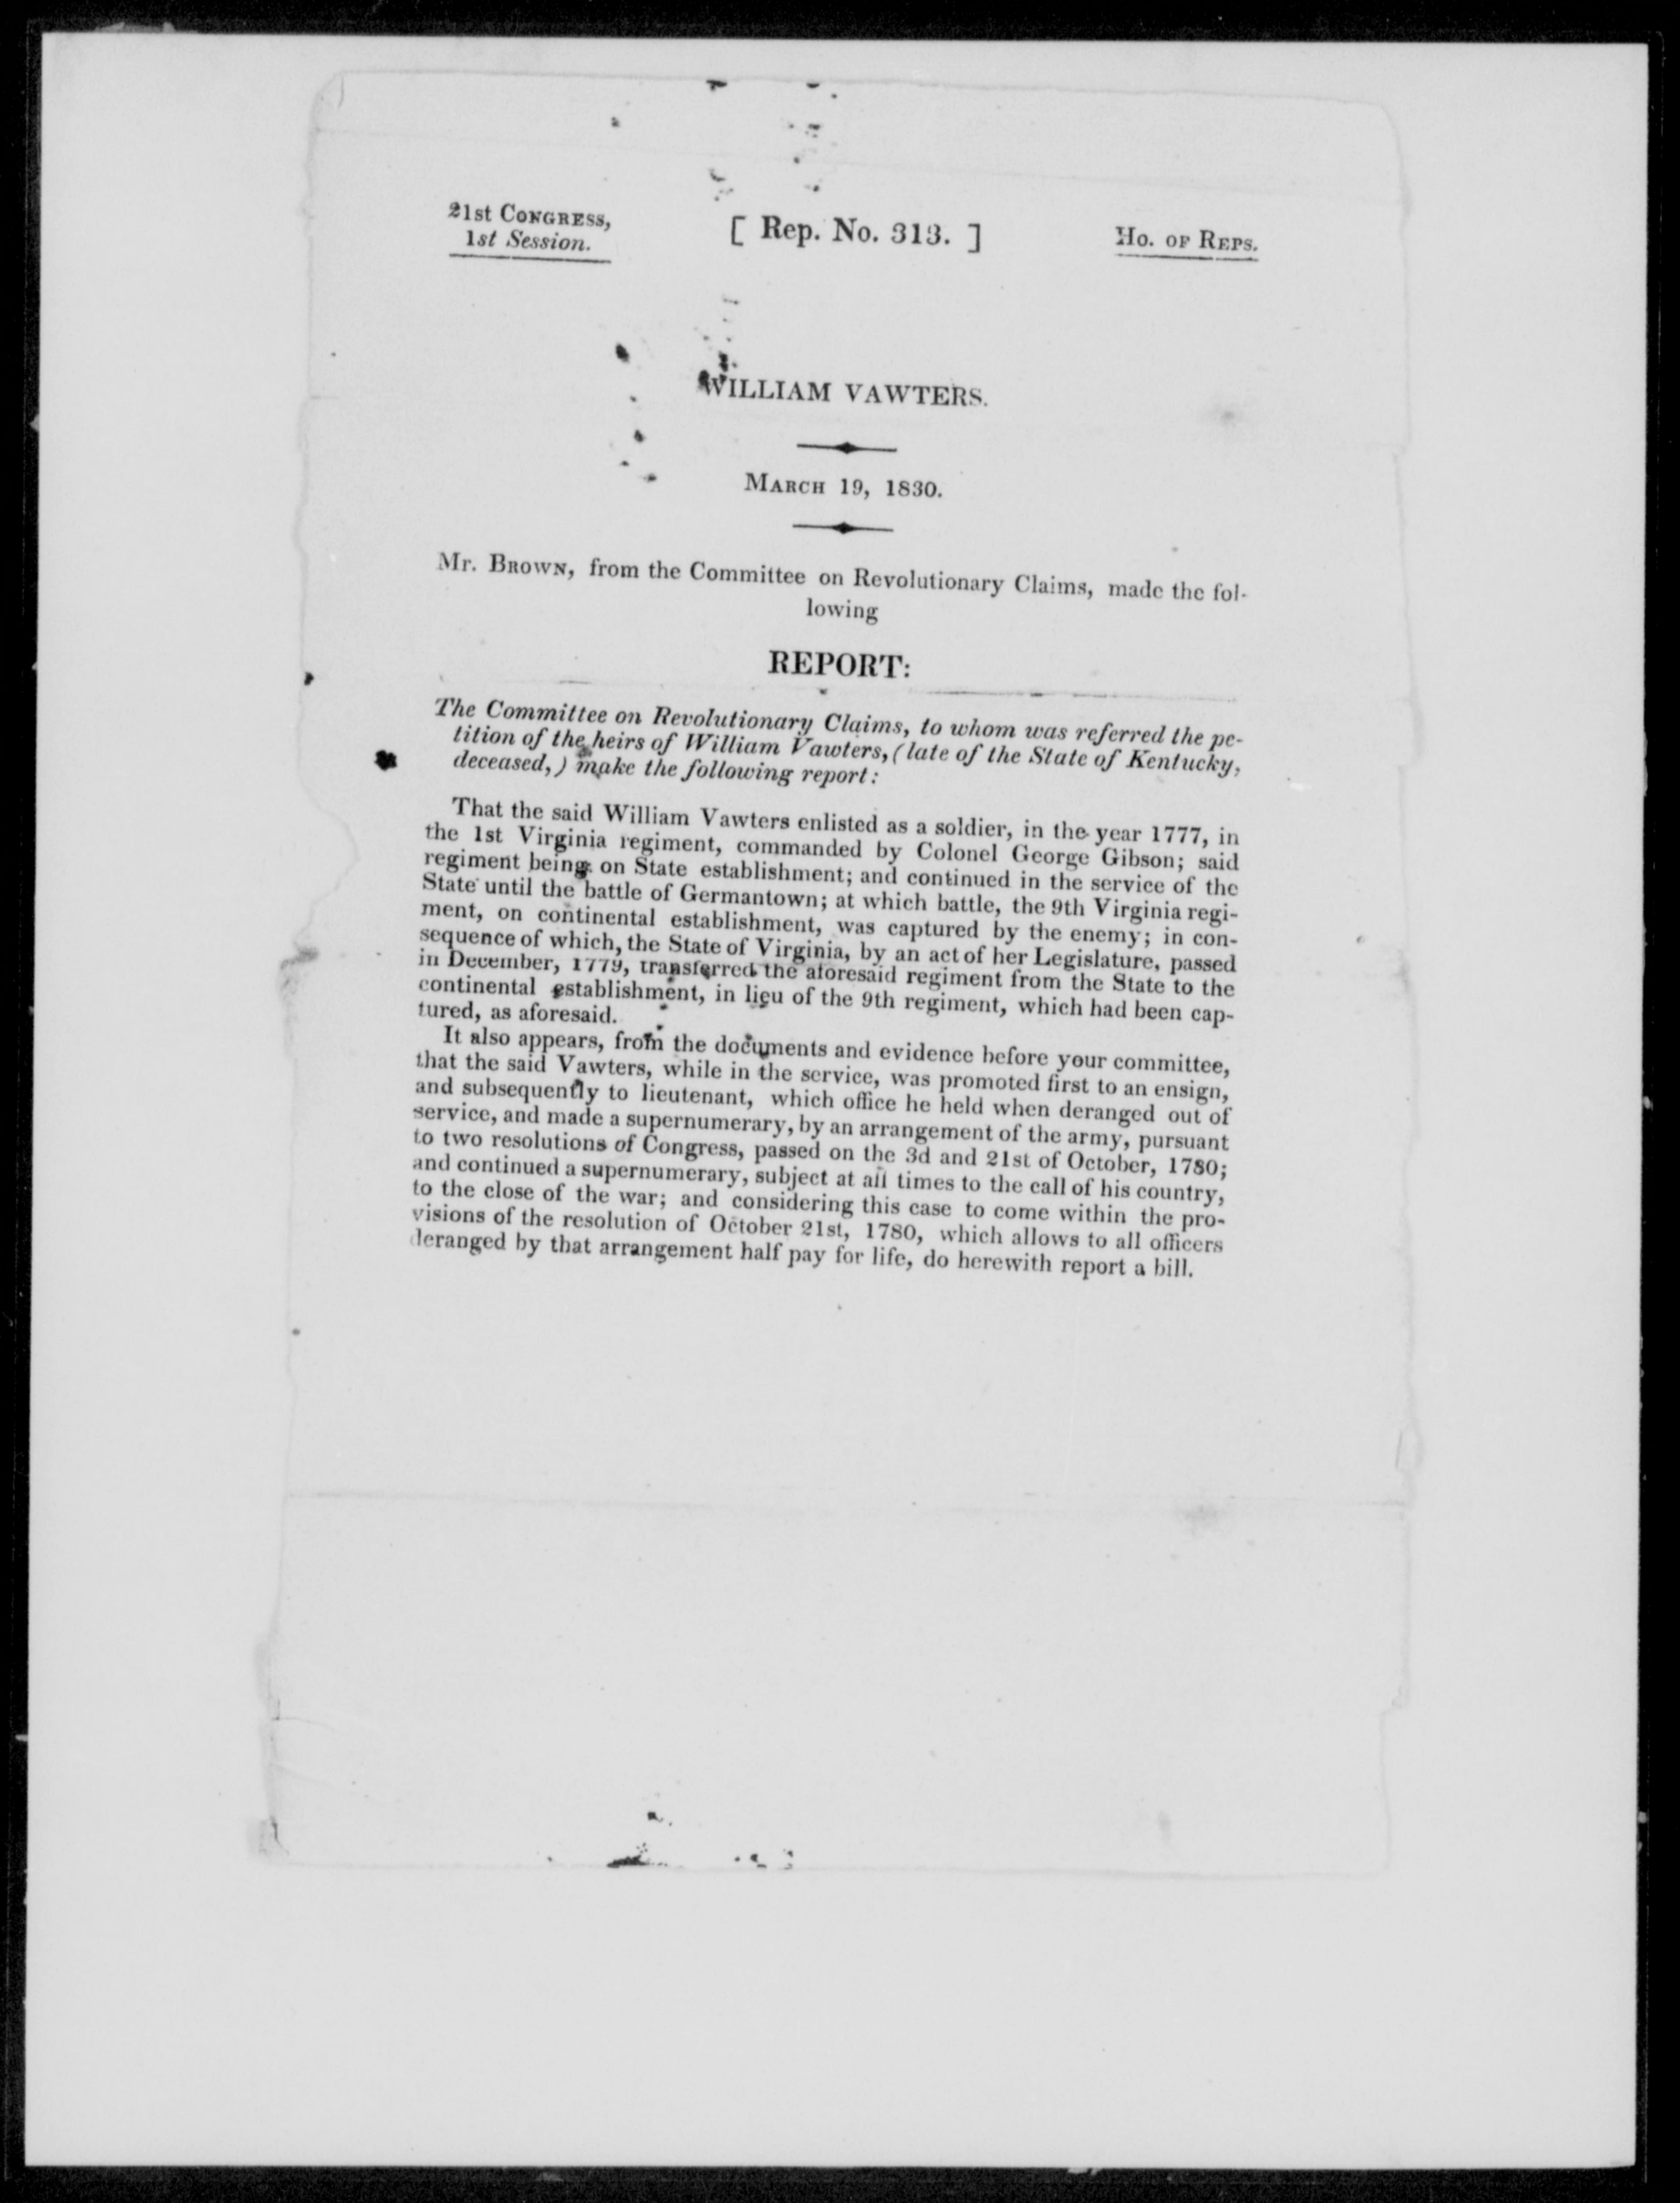21st CONGRESS,
1st Session.
Rep. No. 313. 
Ho. OF REPS.
WILLIAM VAWTERS.

MARCH 19, 1830.

Mr. BROWN, from the Committee on Revolutionary Claims, made the following
REPORT:

The Committee on Revolutionary Claims, to whom was referred the petition
of the heirs of William Vawters, (late of the State of Kentucky, 
deceased,) make the following report:

That the said William Waters enlisted as a soldier, in the year 1777, in
the 1st Virginia regiment, commanded by Colonel George Gibson, said
regiment being on State establishment; and continued in the service of the
State until the battle of Germantown; at which battle, the 9th Virginia regiment,
on continental establishment, was captured by the enemy; in consequence 
of which, the State of Virginia, by an act of her Legislature, passed
in December, 1773, transferred the aforesaid from the State to the
continental establishment, in lieu of the 9th regiment, which had been captured,
as aforesaid.
It also appears, from the documents and evidence before your committee,
that the said Vawters, while in the service, was promoted first to an ensign,
and subsequently to lieutenant, which office he held when deranged out of
service, and made a supernumerary, by an arrangement of the army, pursuant
to two resolutions of Congress, passed on the 3d and 21st of October, 1780,
and continued a supernumerary, subject at all times to the call of his country,
to the close of the war; and considering this case to come within the provisions
of the resolution of October 21st, 1780, which allows to all officers
deranged by that arrangement half pay for life, do herewith report a bill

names: William Vawters, George Gibson, William Vawters, Brown, William Vawters, Vawters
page: 6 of 51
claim: rejected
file: R. 10,921, William Vawter, Va.